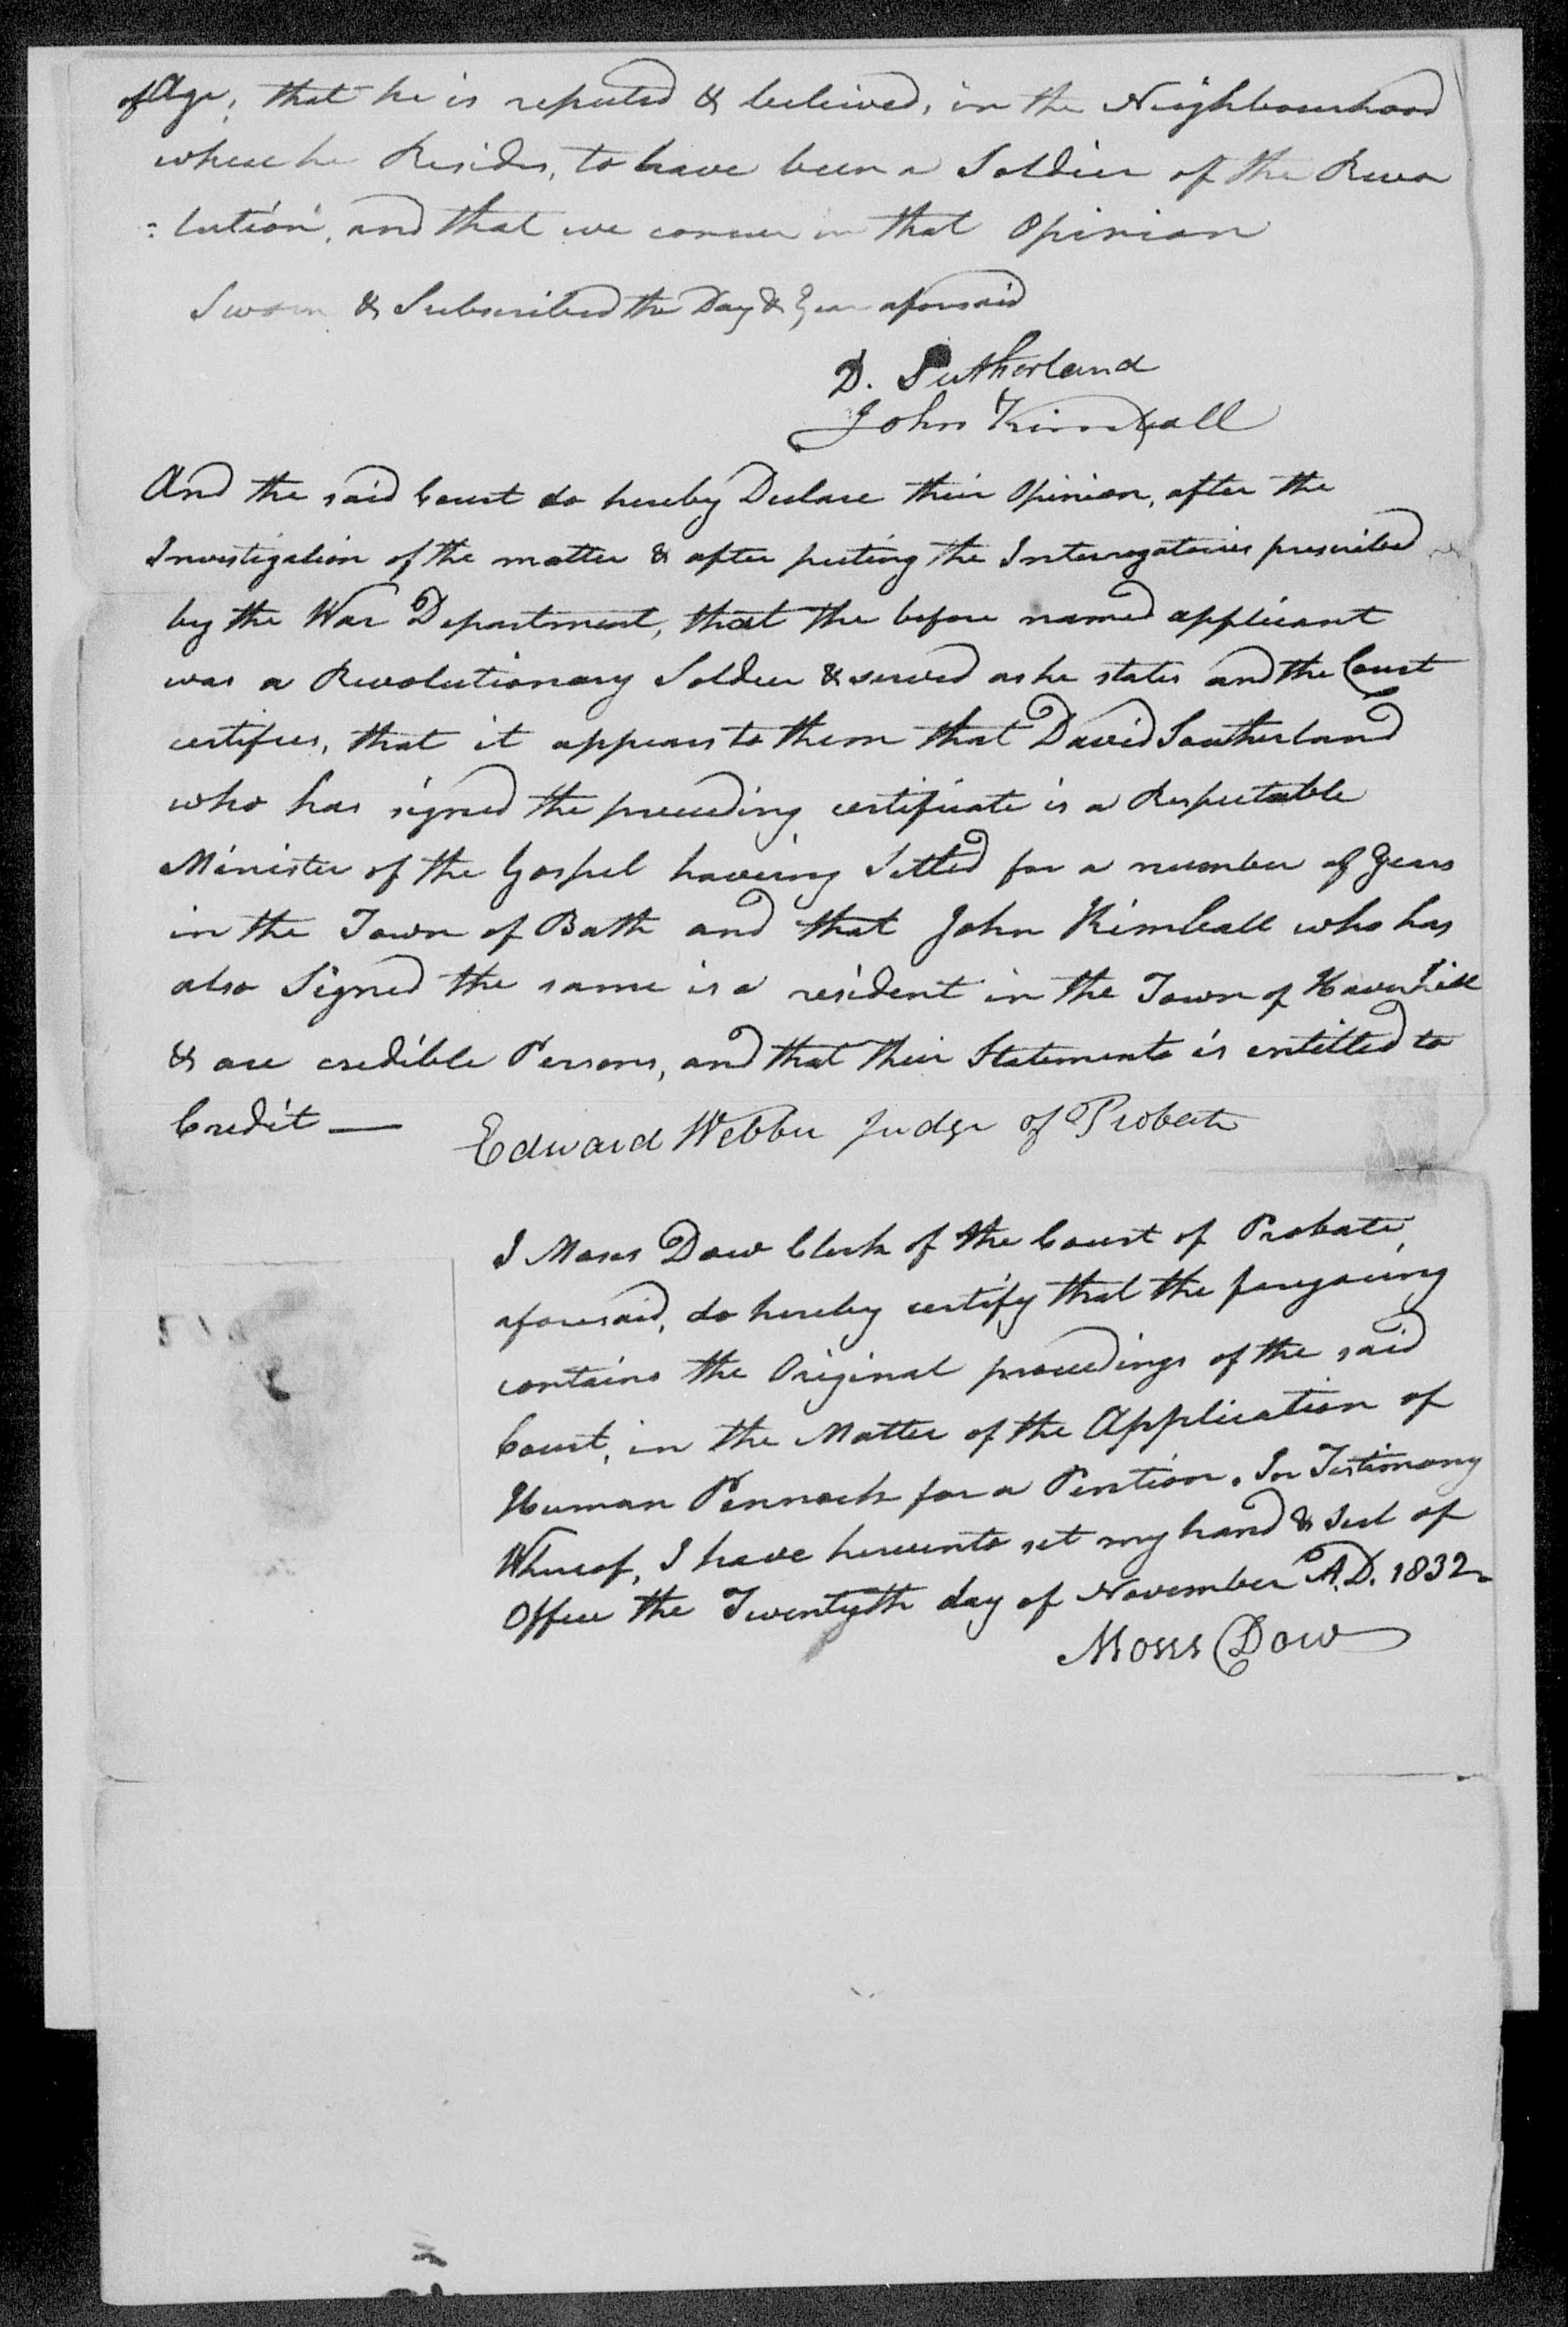of Age: that he is reputed & believed, in the Neighbourhood where he resides, to have been a Soldier of the Revolution; and that we concur in that opinion

Sworn & Subscribed the Day & Year aforesaid

D. Southerland
John Kimball

And that said Court do hereby Declare their opinion, after the Investigation of the matter & after putting the Interogatories prescribed by the War Department, that the before named applicant was a Revolutionary Soldier & served as he states and the Court certifies, that it appears to them that David Sout herland who has signed the preceeding certificate is a reputable Minister of the Gospel having setted for a number of Years in the town of Bath and that John Kimball who has also Signed the same is a resident in the Town of Haverhill & are credible Persons, and that their Statements is entitled to Credit - 

Edward Webber Judge of Probate

I Moses Dow Clerk  of the Court of Probate aforesaid, do hereby certify that t he foregoing contains the Original proceedings of the said Court, in the Matter of the Application of Haman Pennock for a Pention. In Testimony Whereof, I have hereunto set my hand & seal of Office the Twentth day of November A.D. 1832.

Moss Dow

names: John Kimball; Herman Pennock; Moses Daw; David Southerland; Edward Webber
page: 7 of 12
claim: survivor's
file: S. 18,158, for Haman Pennock, Vermont